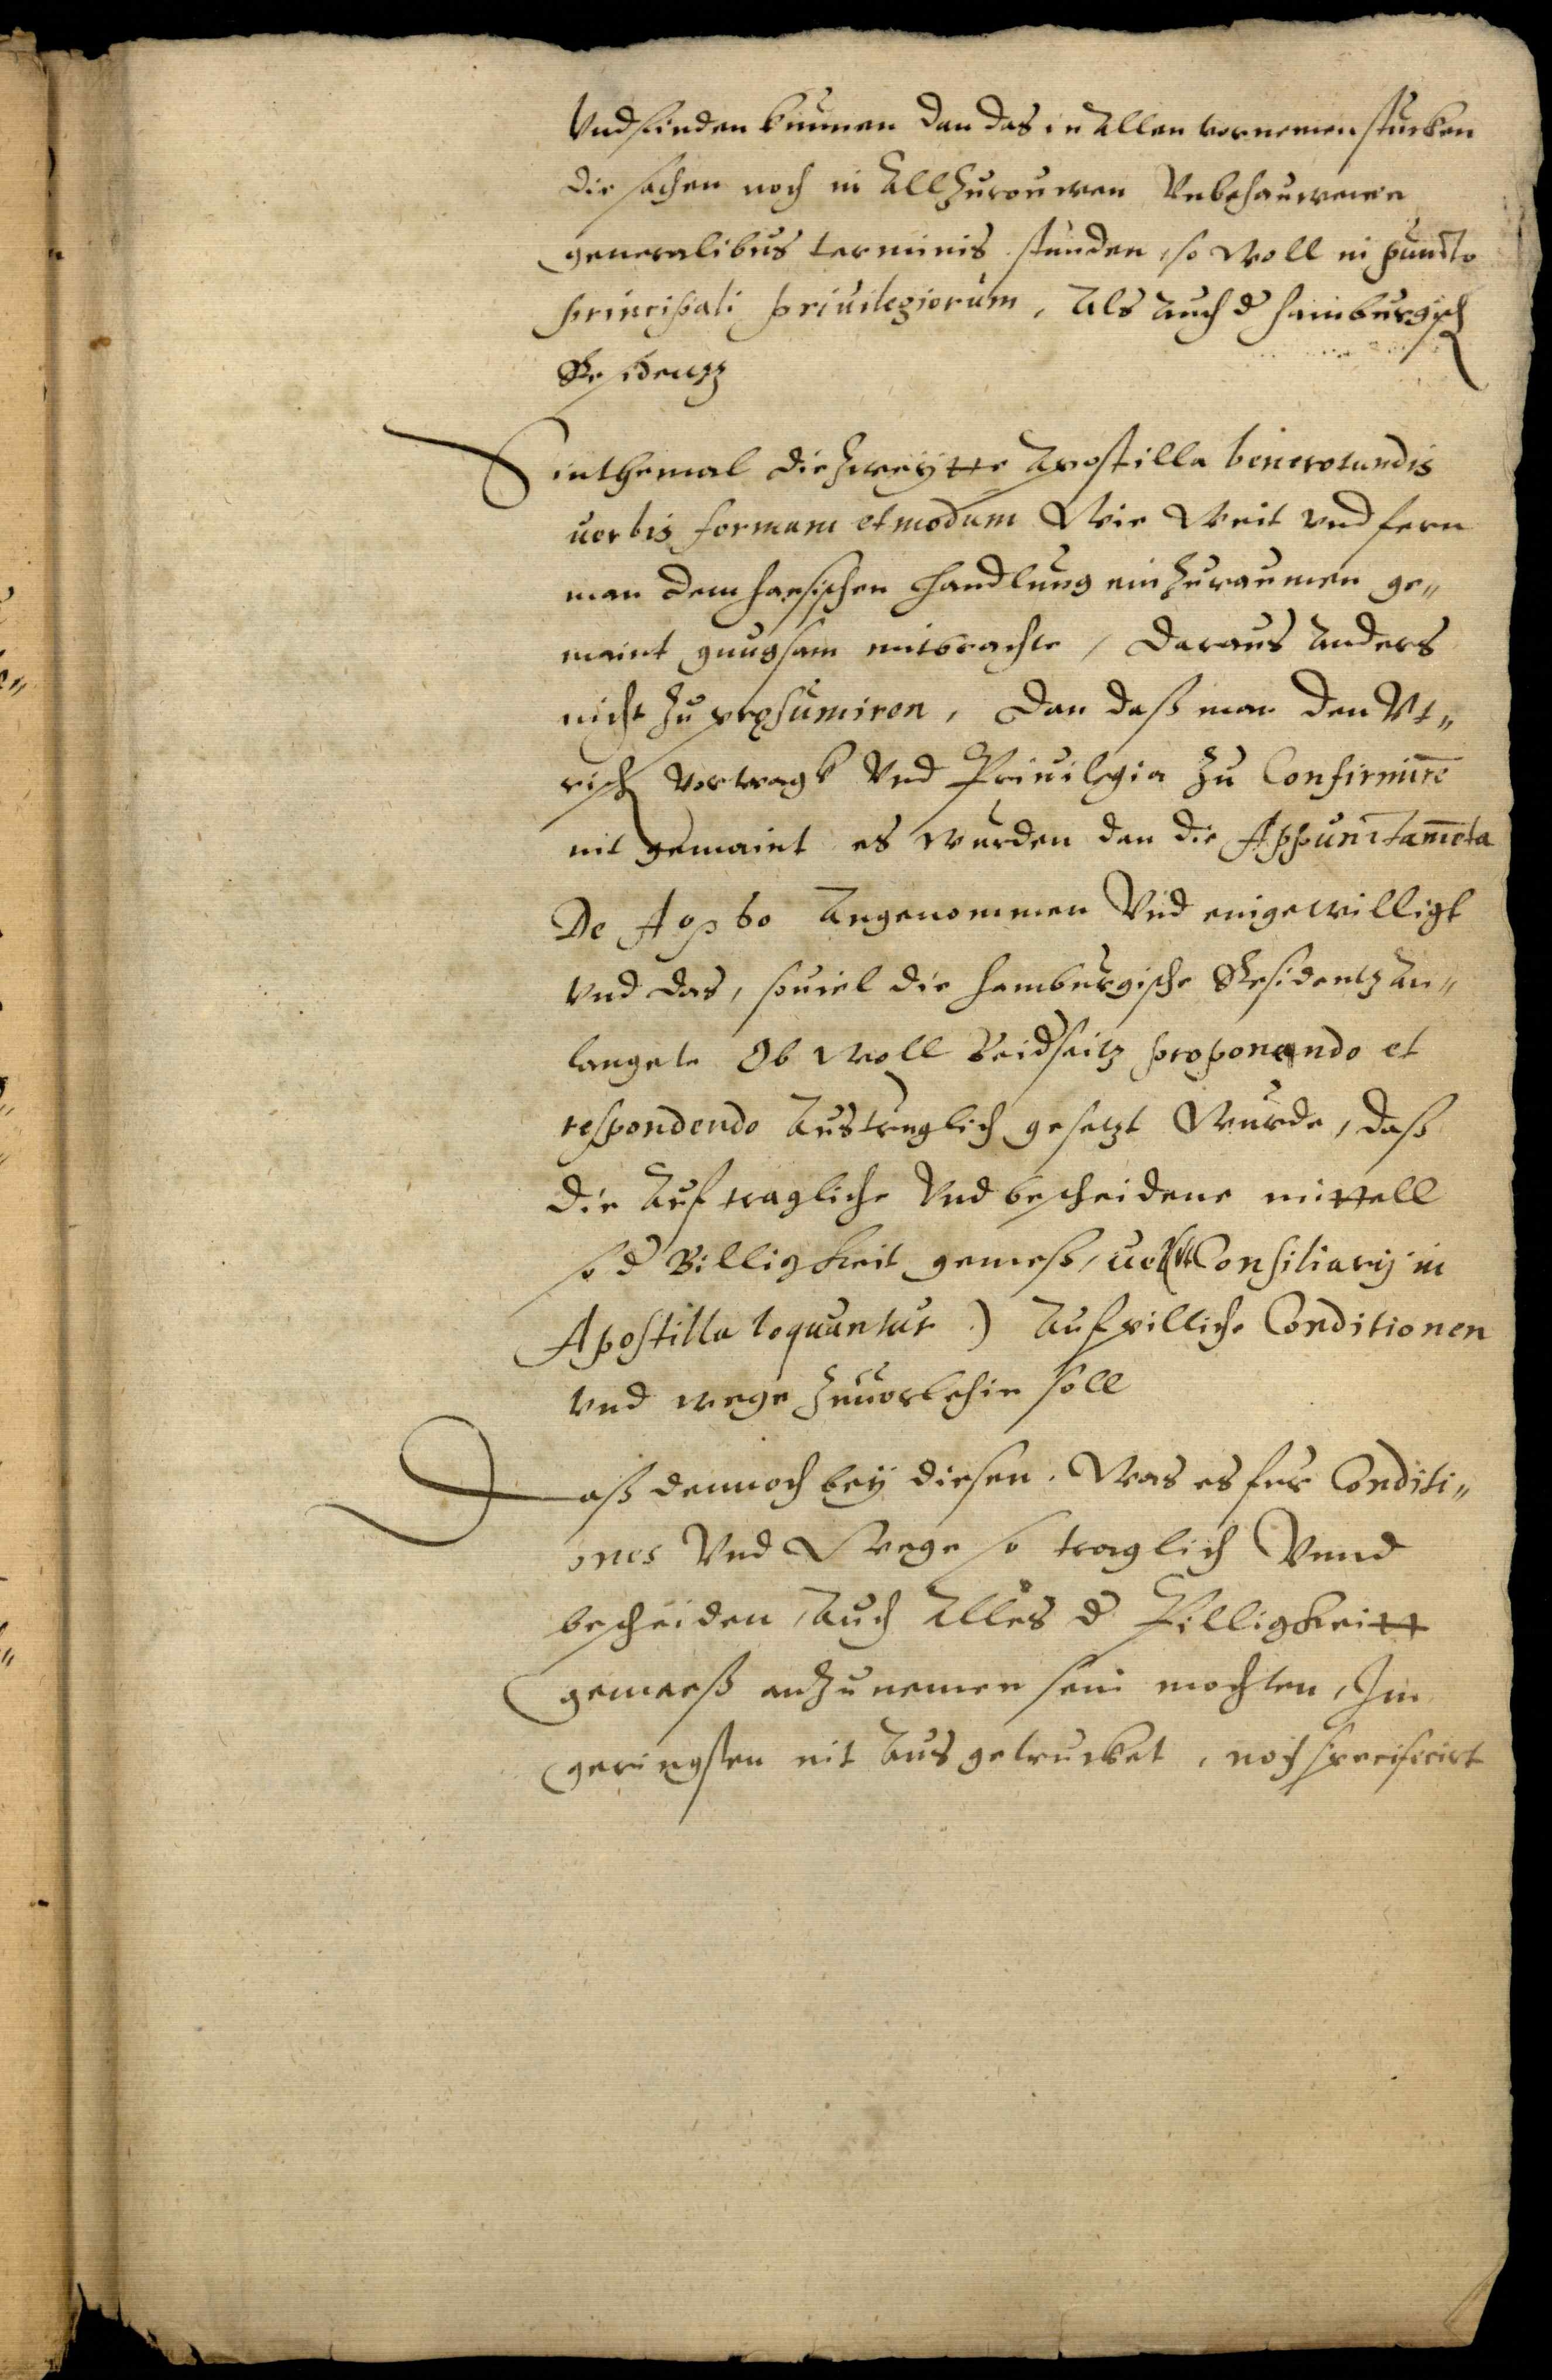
vnd finden kunnen dan das in Allen vornemen stucken
die sachen noch in Allzu rouwenn vnbehauwenen
generalibus terminis stunden, so woll in puncto
principali priuilegiorum, Als Auch der hamburgischen
Residentz
Sintemal die zweijtte Apostille benevotundis
uorbis formam et modum Wie Weit vnd fern
man dem hansischen handlung ein zuraumenn ge¬
meint gnugsam mitbrachte, daraus Anders
nicht zu prosumiren, dan daß man den Vt¬
rischen Vertragk Vnd Priuilegia zu Confirmiren
nit gemaint es wurden dan die Appunctamenta
De Ao p 60 Angenommen Vnd eingewilligt
vnd das, souiel die hamburgische Residentz An¬
langete Ob woll Beiderseitz proponendo et
respondendo Austruglich gesetzt Wurde, daß
die Auf tragliche vnd bescheidene mittell
so der Billigkeit gemeß, uel (vt Consiliarij in
Apostilla loquantur.) Auf pilliche Conditionen
vnd wege zuuorlehin soll
Daß dennoch beij diesen, Was es fur Conditi¬
ones Vnd Wege so traglich Vnnd
bescheiden, Auch Alles der Pilligkeitt
gemaeß anzunemen sein mochten, Im
geringsten nit Ausgetrucket, noch specificirt
